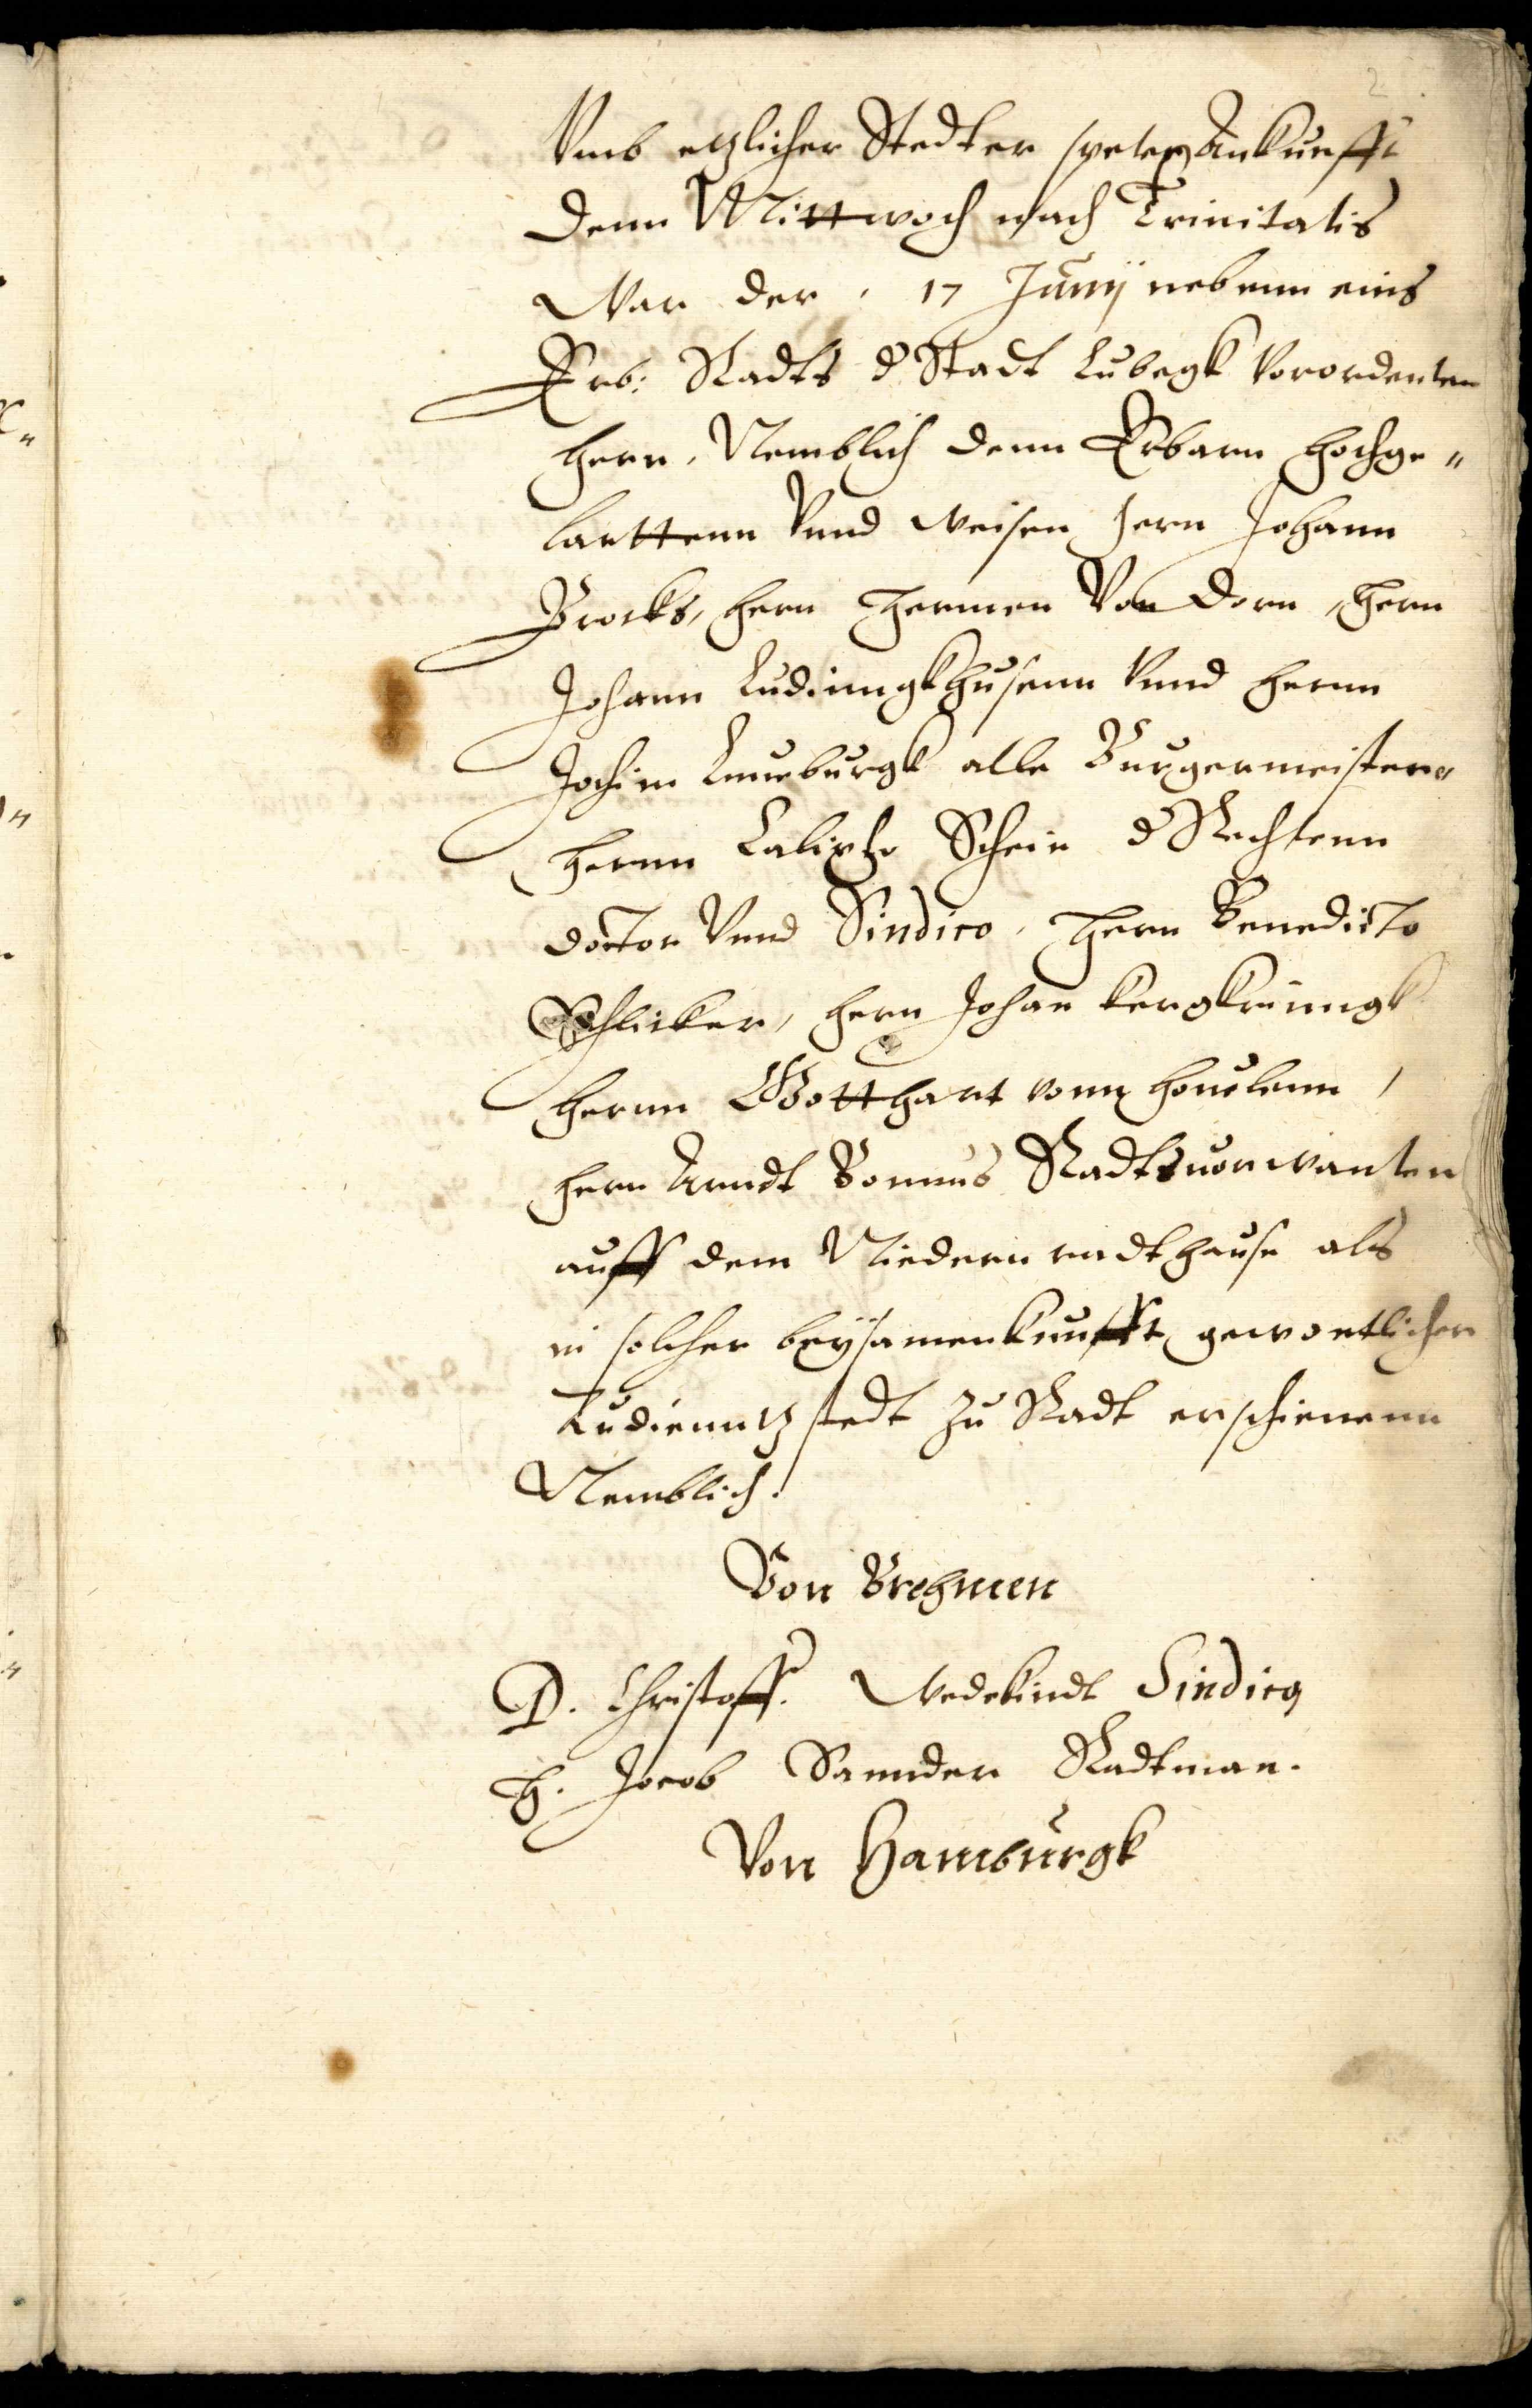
Vmb etzlicher Stedten speter Ankunfft
denn Mittwoch nach Trinitatis
war der . 17 Junij nebenn eins
Erb: Radts der Stadt Lubegk vorordenten
hern, Nemblich denn Erbarn hochge¬
larttenn vnnd weisen hern Johann
Brocks, hern Hermen von Dorn, hern
Johann Ludinngkhusenn vnnd hernn
Jochim Luneburgk alle Burgermeistere,
hernn Calixto Schein der Rechtenn
doctor vnnd Sindico, hern Benndicto
Schlicker, hern Johan Kergkrinngk
hern Gotthart von Houelenn,
hern Arndt Bonnus Radtsuorwanten
auff dem Niedern radthause als
in solcher beijsamenkunfft gewontlichen
Audienntz stedt zu Radt erschienenn
Nemblich.
Von Brehmen
D. Christoffer Wedekindt Sindicus,
H. Jocob Sannder Radtman.
Von Hamburgk
